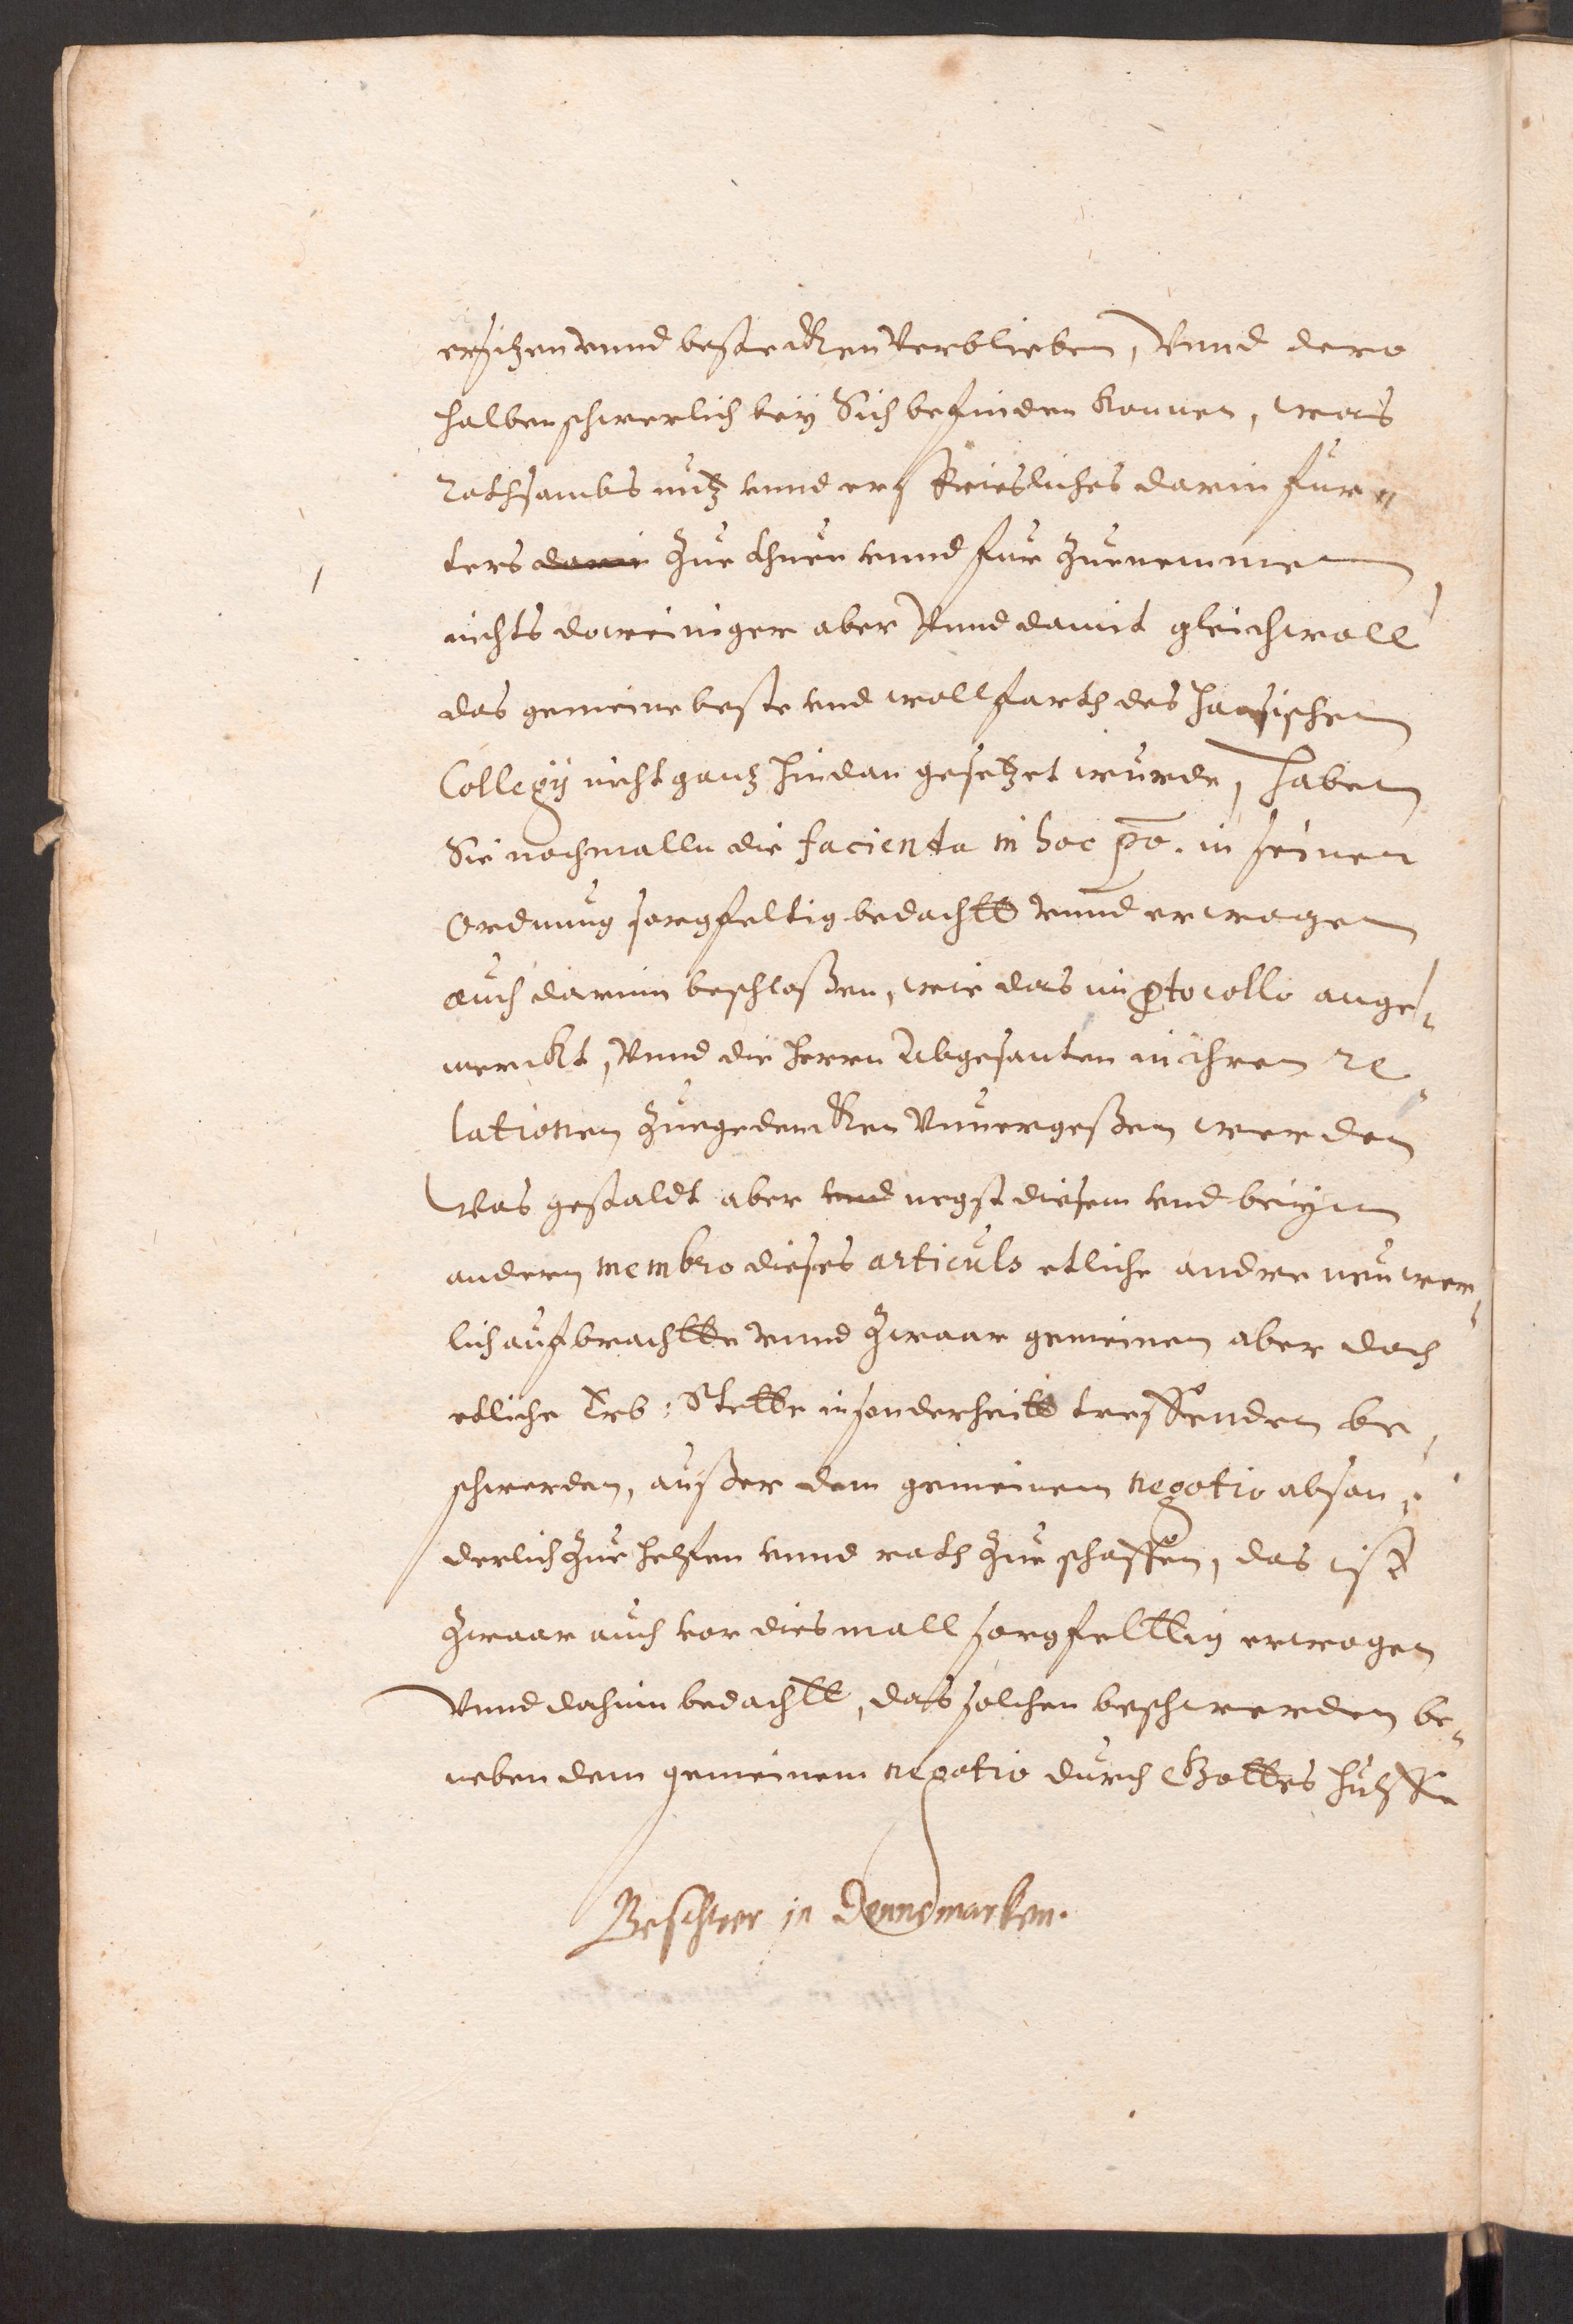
ersitzen vnnd bestecken verblieben, Vnnd dero
halben schwerlich beij Sich befinden konnen, was
rathsambs nutz vnnd erspriesliches darin fur¬
ders darin zue thuen vnnd fur zuenemmen
nichts doweiniger aber Vnnd damit gleichwoll
das gemeine beste vnd wollfarth des hansischen
Collegij nicht gantz hindan gesetzet wurde, haben
Sie nochmalln die facienda in hoc puncto in seinen
Ordnung sorgfeltig bedachtt vnnd erwogen
auch darinn beschloßen, wie das im protocollo ange¬
merckt, vnnd die herrn Abgesanten in ihren re¬
lationen zuegedencken vnuergeßen werden
was gestaldt aber vnd negst diesem vnd beijm
andern membro dieses articuls etliche andre neuwer¬
lich aufbrachtte vnnd zwaar gemeinen aber doch
etliche Erb: Stette in sonderheitt treffenden be¬
schwerden, außer dem gemeinen negotio abson¬
derlich zue helfen vnnd rath zue schaffen, das ist
zwaar auch von diesmall sorgfelttig erwogen
Vnnd dahinn bedachtt, das solchen beschwerden be¬
neben dem gemeinem negatio durch Gottes hulffe
Beschwer in Dennemarken.
